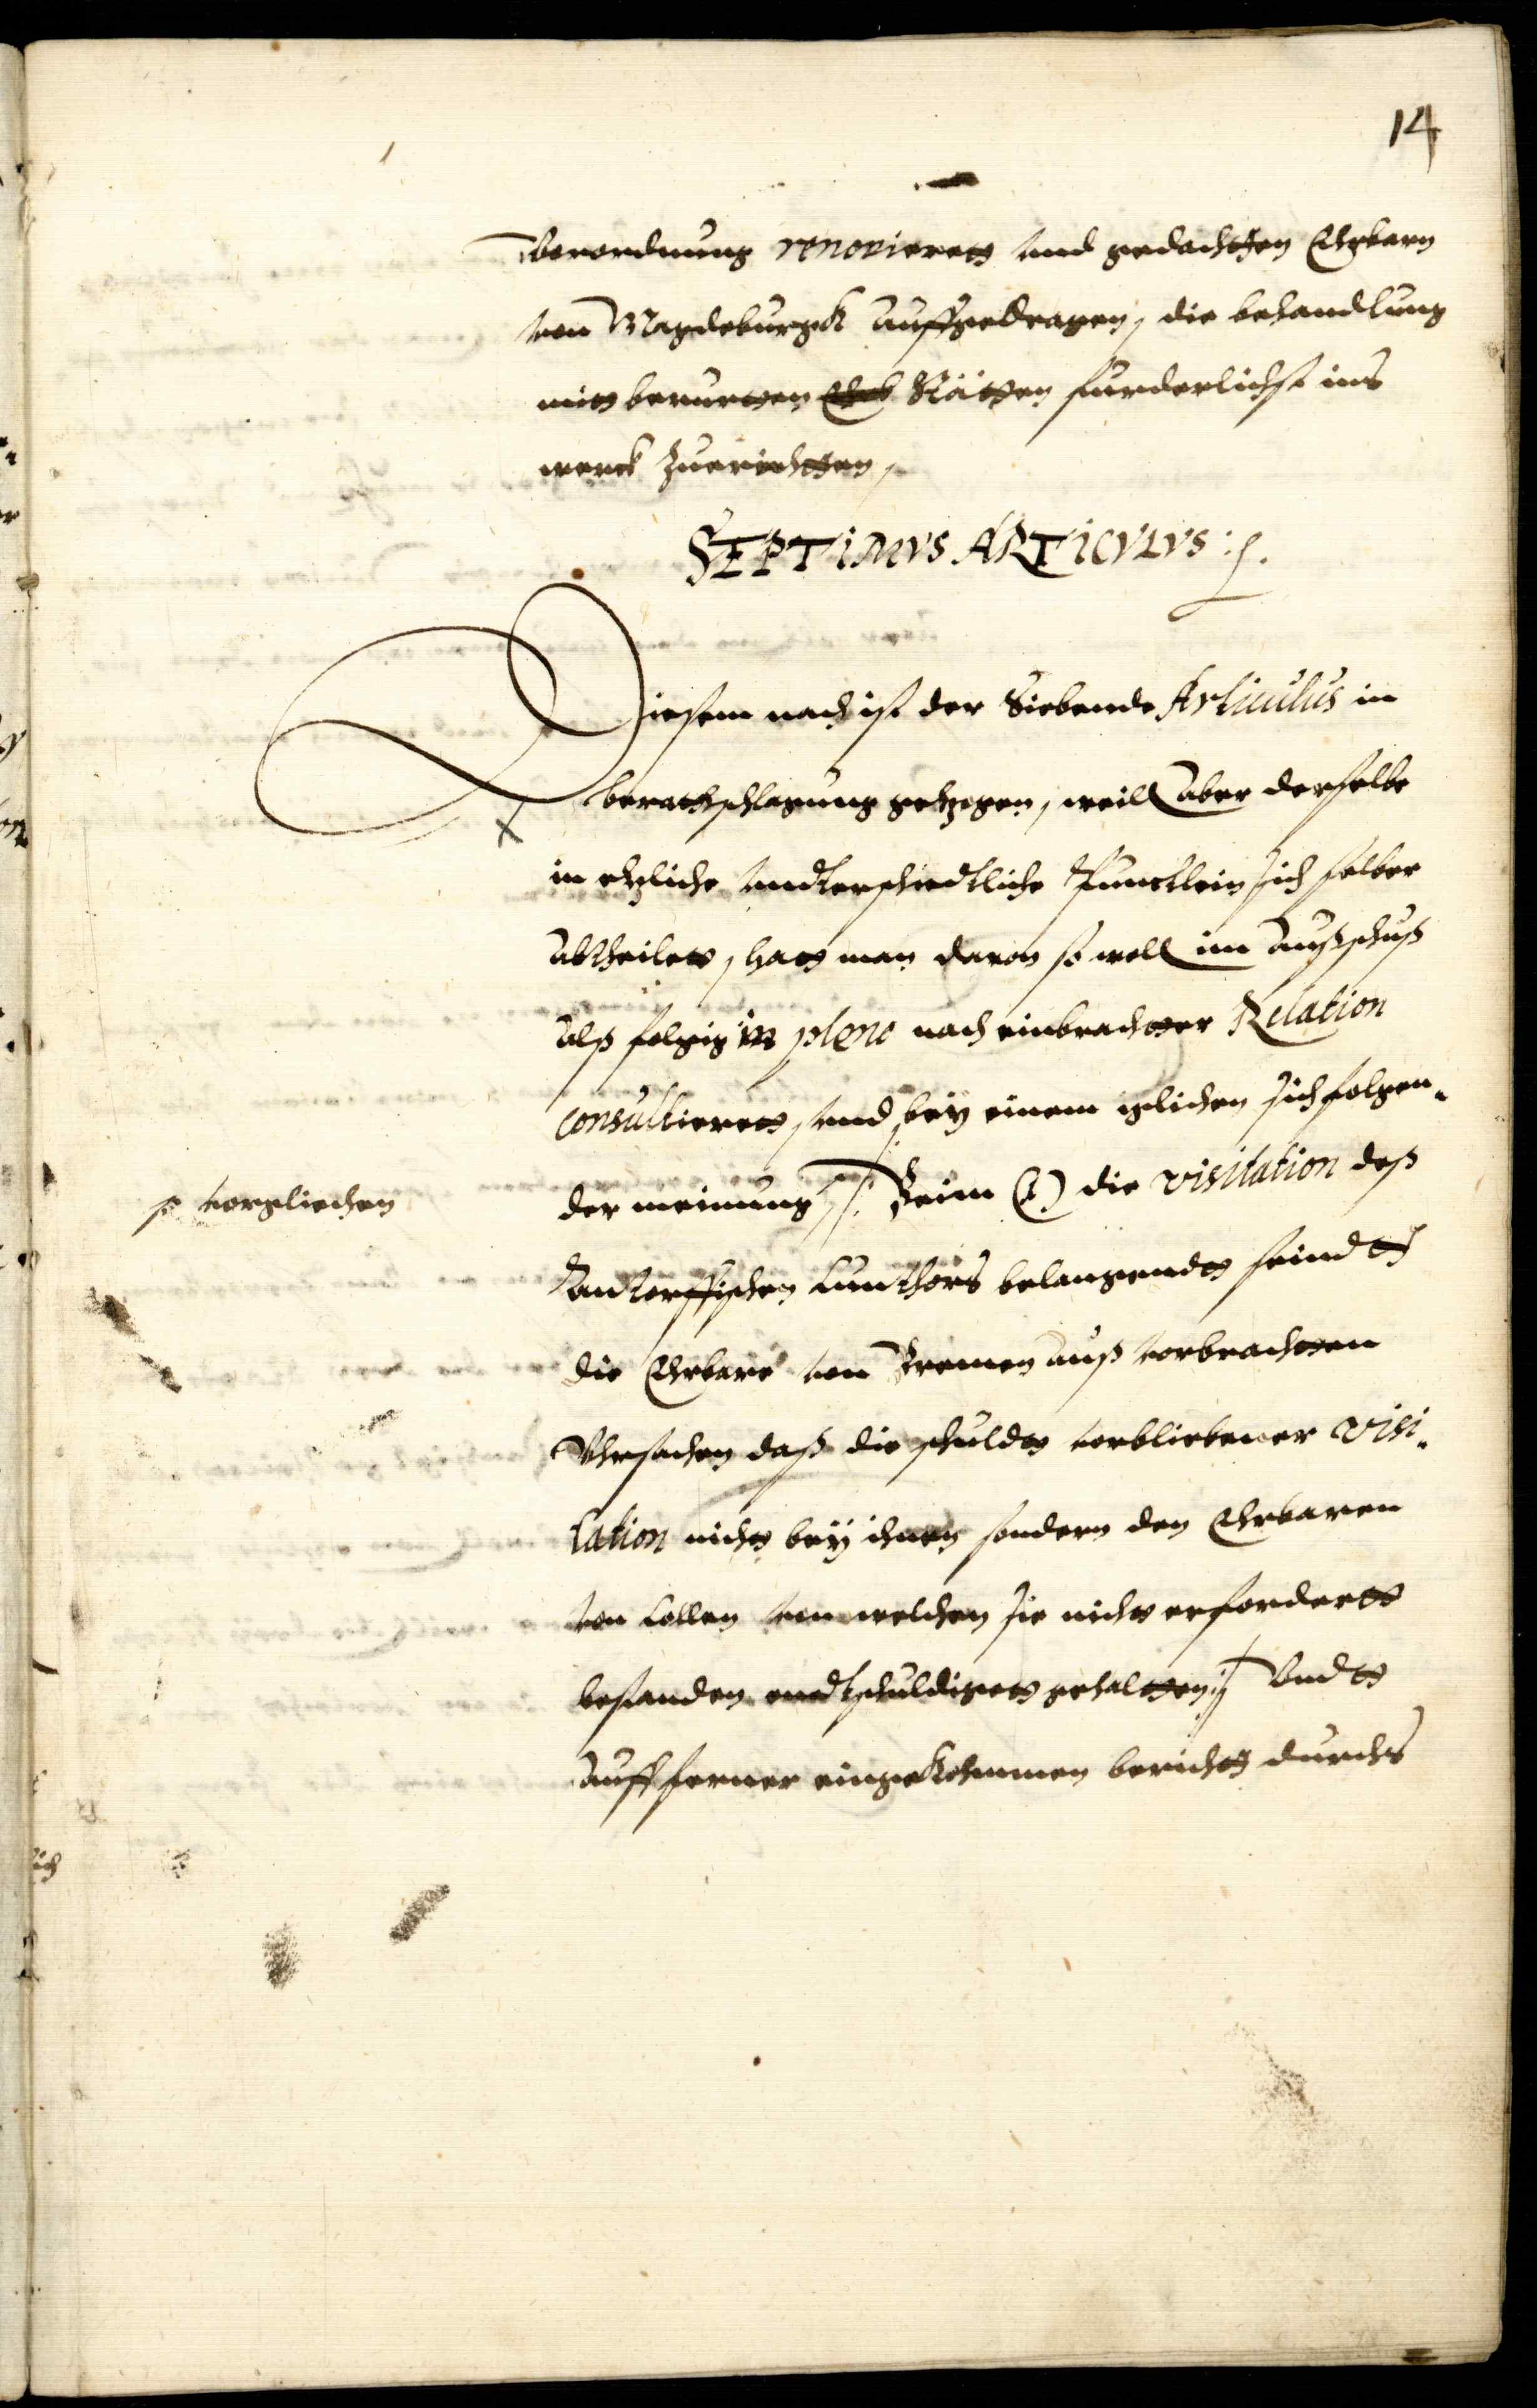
14
Verordnung renovierett vnd gedachtten Ehrbarn
von Magdeburgk auffgedragen, die behandlung
mitt berurtten Ehrb Stätten furderlichst ins
werck zuerichtten,
SEPTIMVS ARTICVLVS :p.
Diesem nach ist der Siebende Articulus in
beratthschlagung getzogen, weill aber derselbe
in etzliche undterschiedtliche Punctlein sich selber
abtheilett, hatt man davon so woll im außschuß
alß folgig in pleno nach einbrachtter Relation
consultierett, vnd beij einem iglichen sich folgen¬
der meinung F /: Beim (1) die visitation deß
Antorffischen Cunthors belangendtt seindtt
die Ehrbare von Bremen auß vorbrachttn
Vhrsachen daß die schuldtt vorbliebener visi¬
tation nichtt beij ihnen sondern den Ehrbaren
von Collen von welchen sie nichtt erfordertt
befanden endtschuldigett gehalten :/, Vndtt
Auff ferner eingekommen berichtt durchs
F vorgliechen
